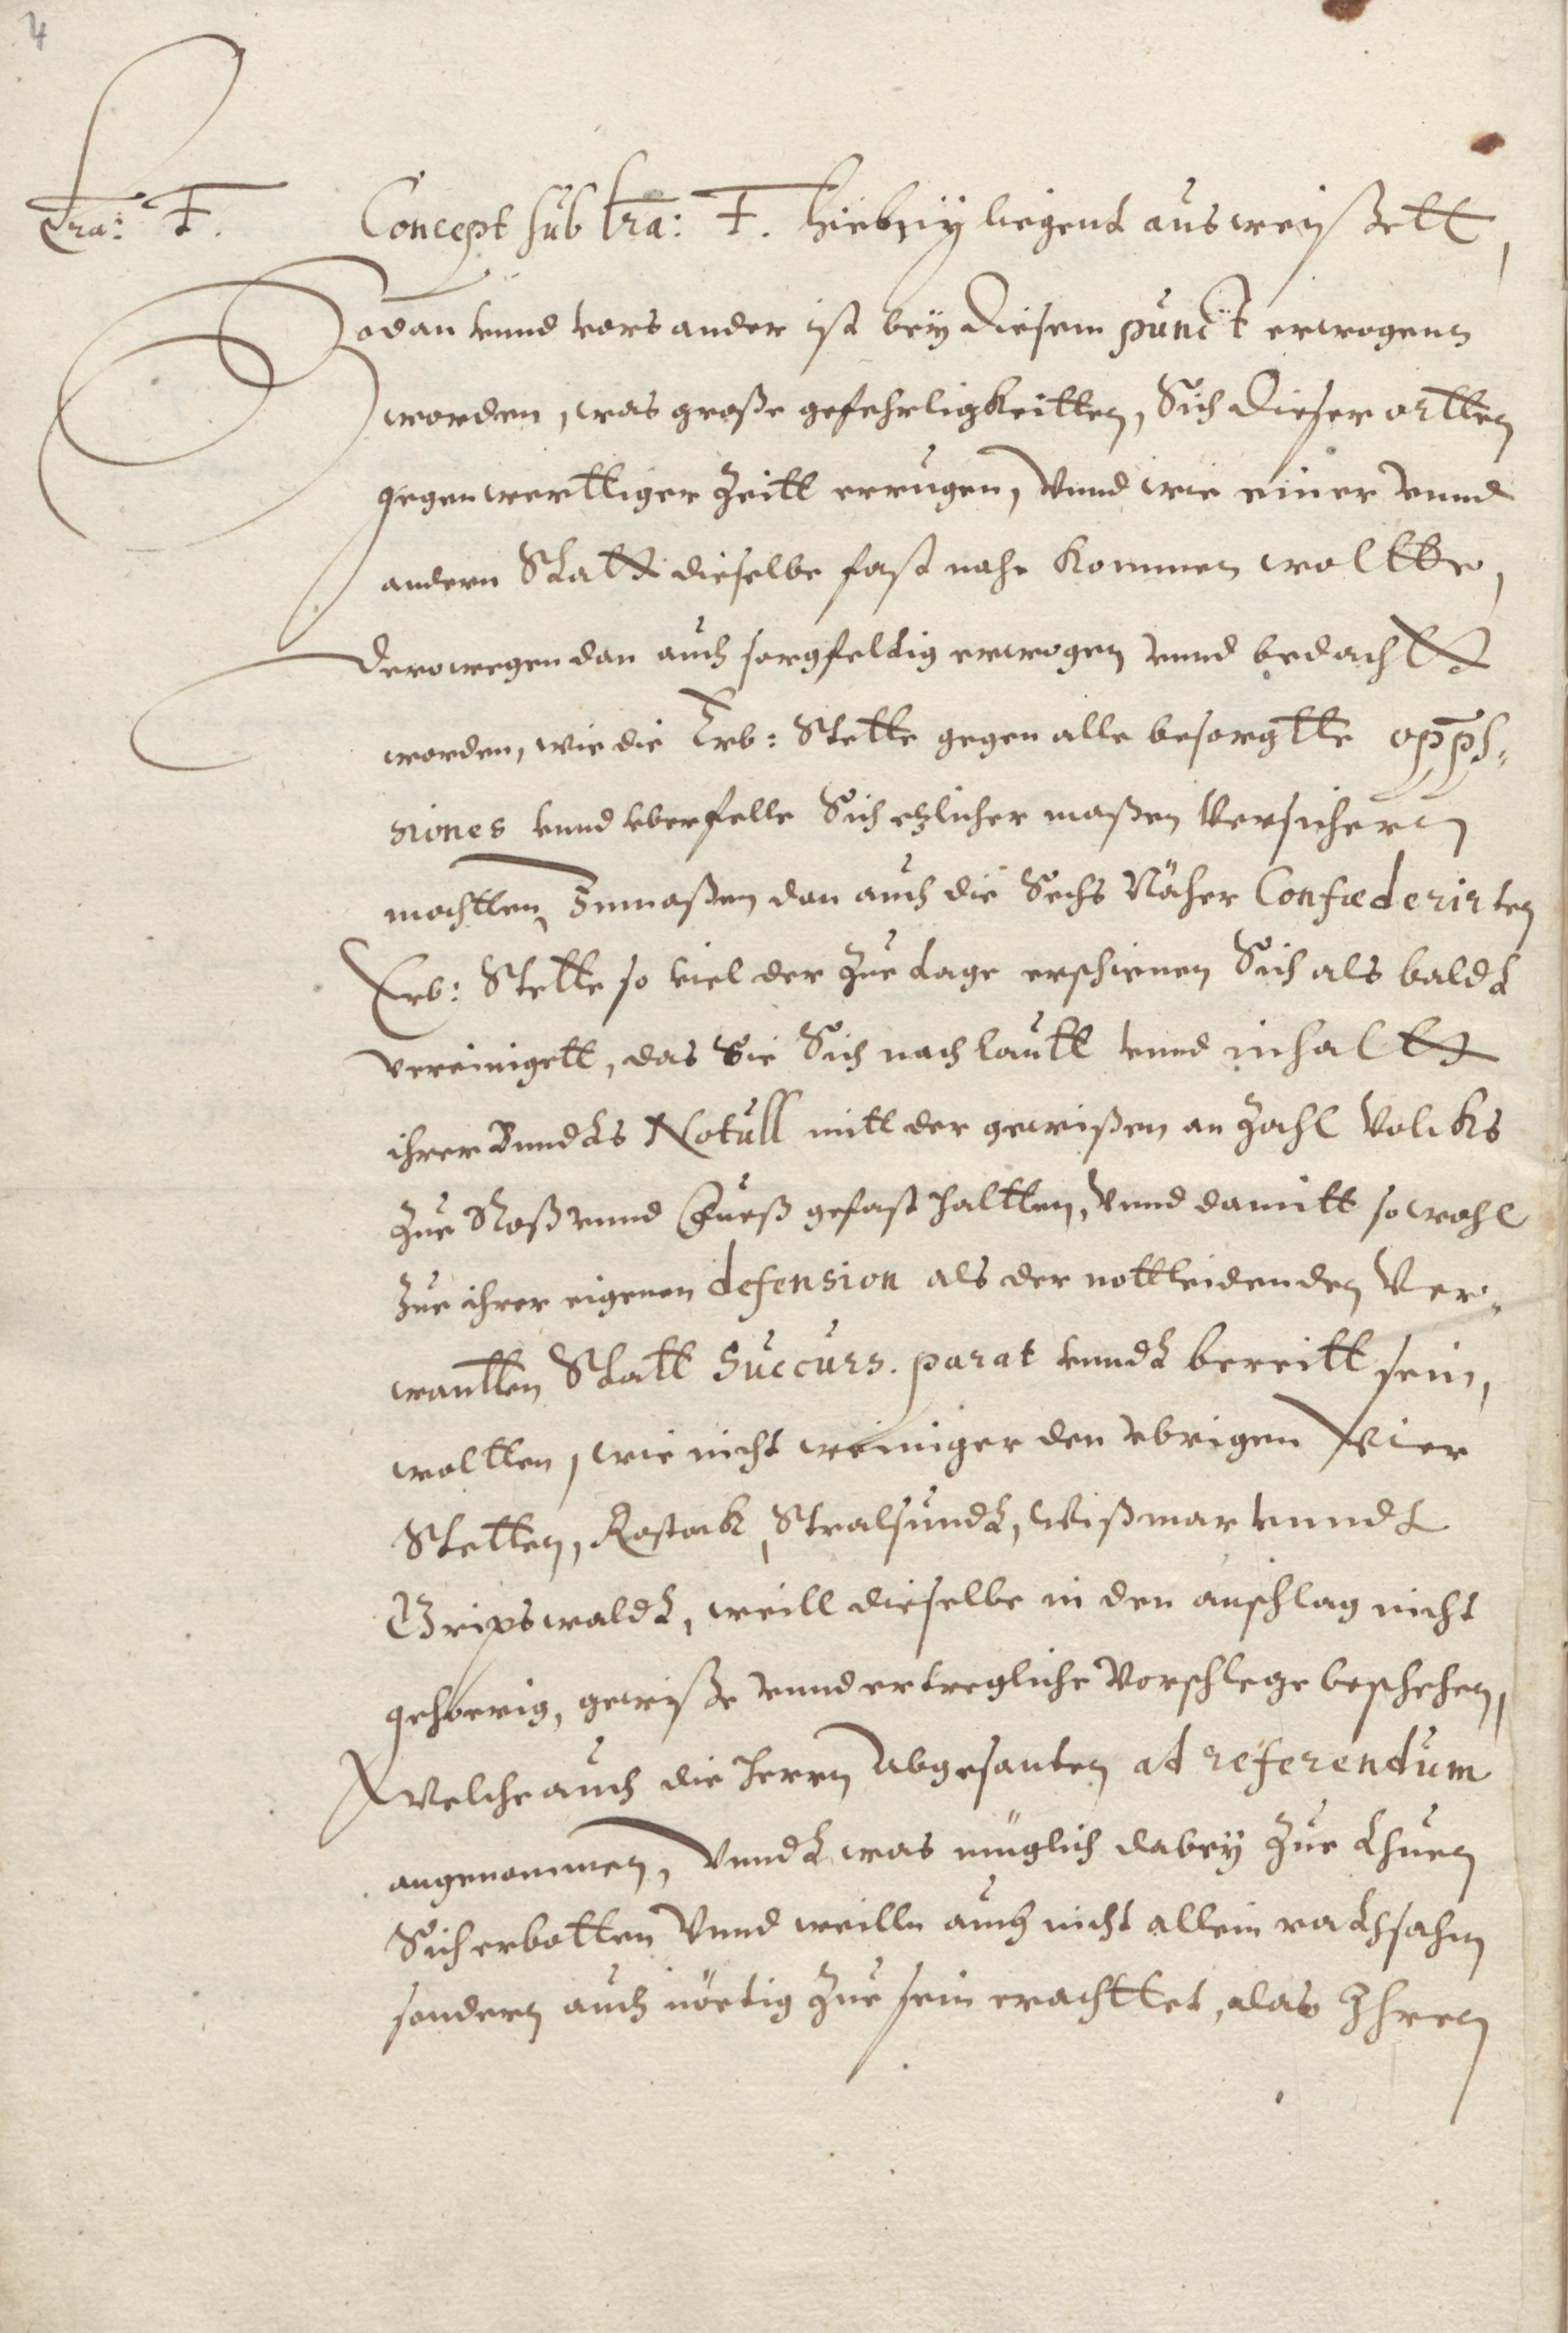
Concept Sub littera F. hiebeij liegent ausweißett,
Sodan vnnd vors ander ist beij diesem punct erwogenn
worden, was große gefehrligkeitten, sich dieser ortten
gegenwerttiger Zeitt errungen, vnnd wie einer vnnd
andern Statt dieselbe fast mehr kommen woltte,
derowegen dan auch sorgfeltig erwogen vnnd bedachtt
worden, wie die Erb: Stette gegen alle besorgtte oppres¬
siones vnnd vberfelle sich ehlicher maßen versichern
mochtten Inmaßen dan auch die sechs näher Confoederirten
Erb: Stette so viel der zue tage erschienen Sich als baldt
vereinigett, das Sie Sich nach lautt vnnd inhaltt
ihrer Bundts Notull mitt der gewißen an zahl Volcks
zue Roß vunnd Fueß gefast haltten, vnnd damitt sowohl
zue ihrer eigenen defension als der nottleidenden Ver¬
wantten Statt Succurr. parat vnndt bereitt sein,
woltten, wie nicht weiniger den vbrigen Vier
Stetten, Rostock, Stralsundt, Wißmar vnndt
Gripswaldt, weill dieselbe in den anschlag nicht
gehoerig, gewiße vnnd ertregliche vorschlege beschehen,
Welche auch die herrn Abgesanten at referendum
angenommen, vnndt was müglich dabeij zue thuen
Sich erbotten vnnd weilln auch nicht allein rathsahm
sondern auch nöetig zue sein erachttet, das Ihren
Littera F.
